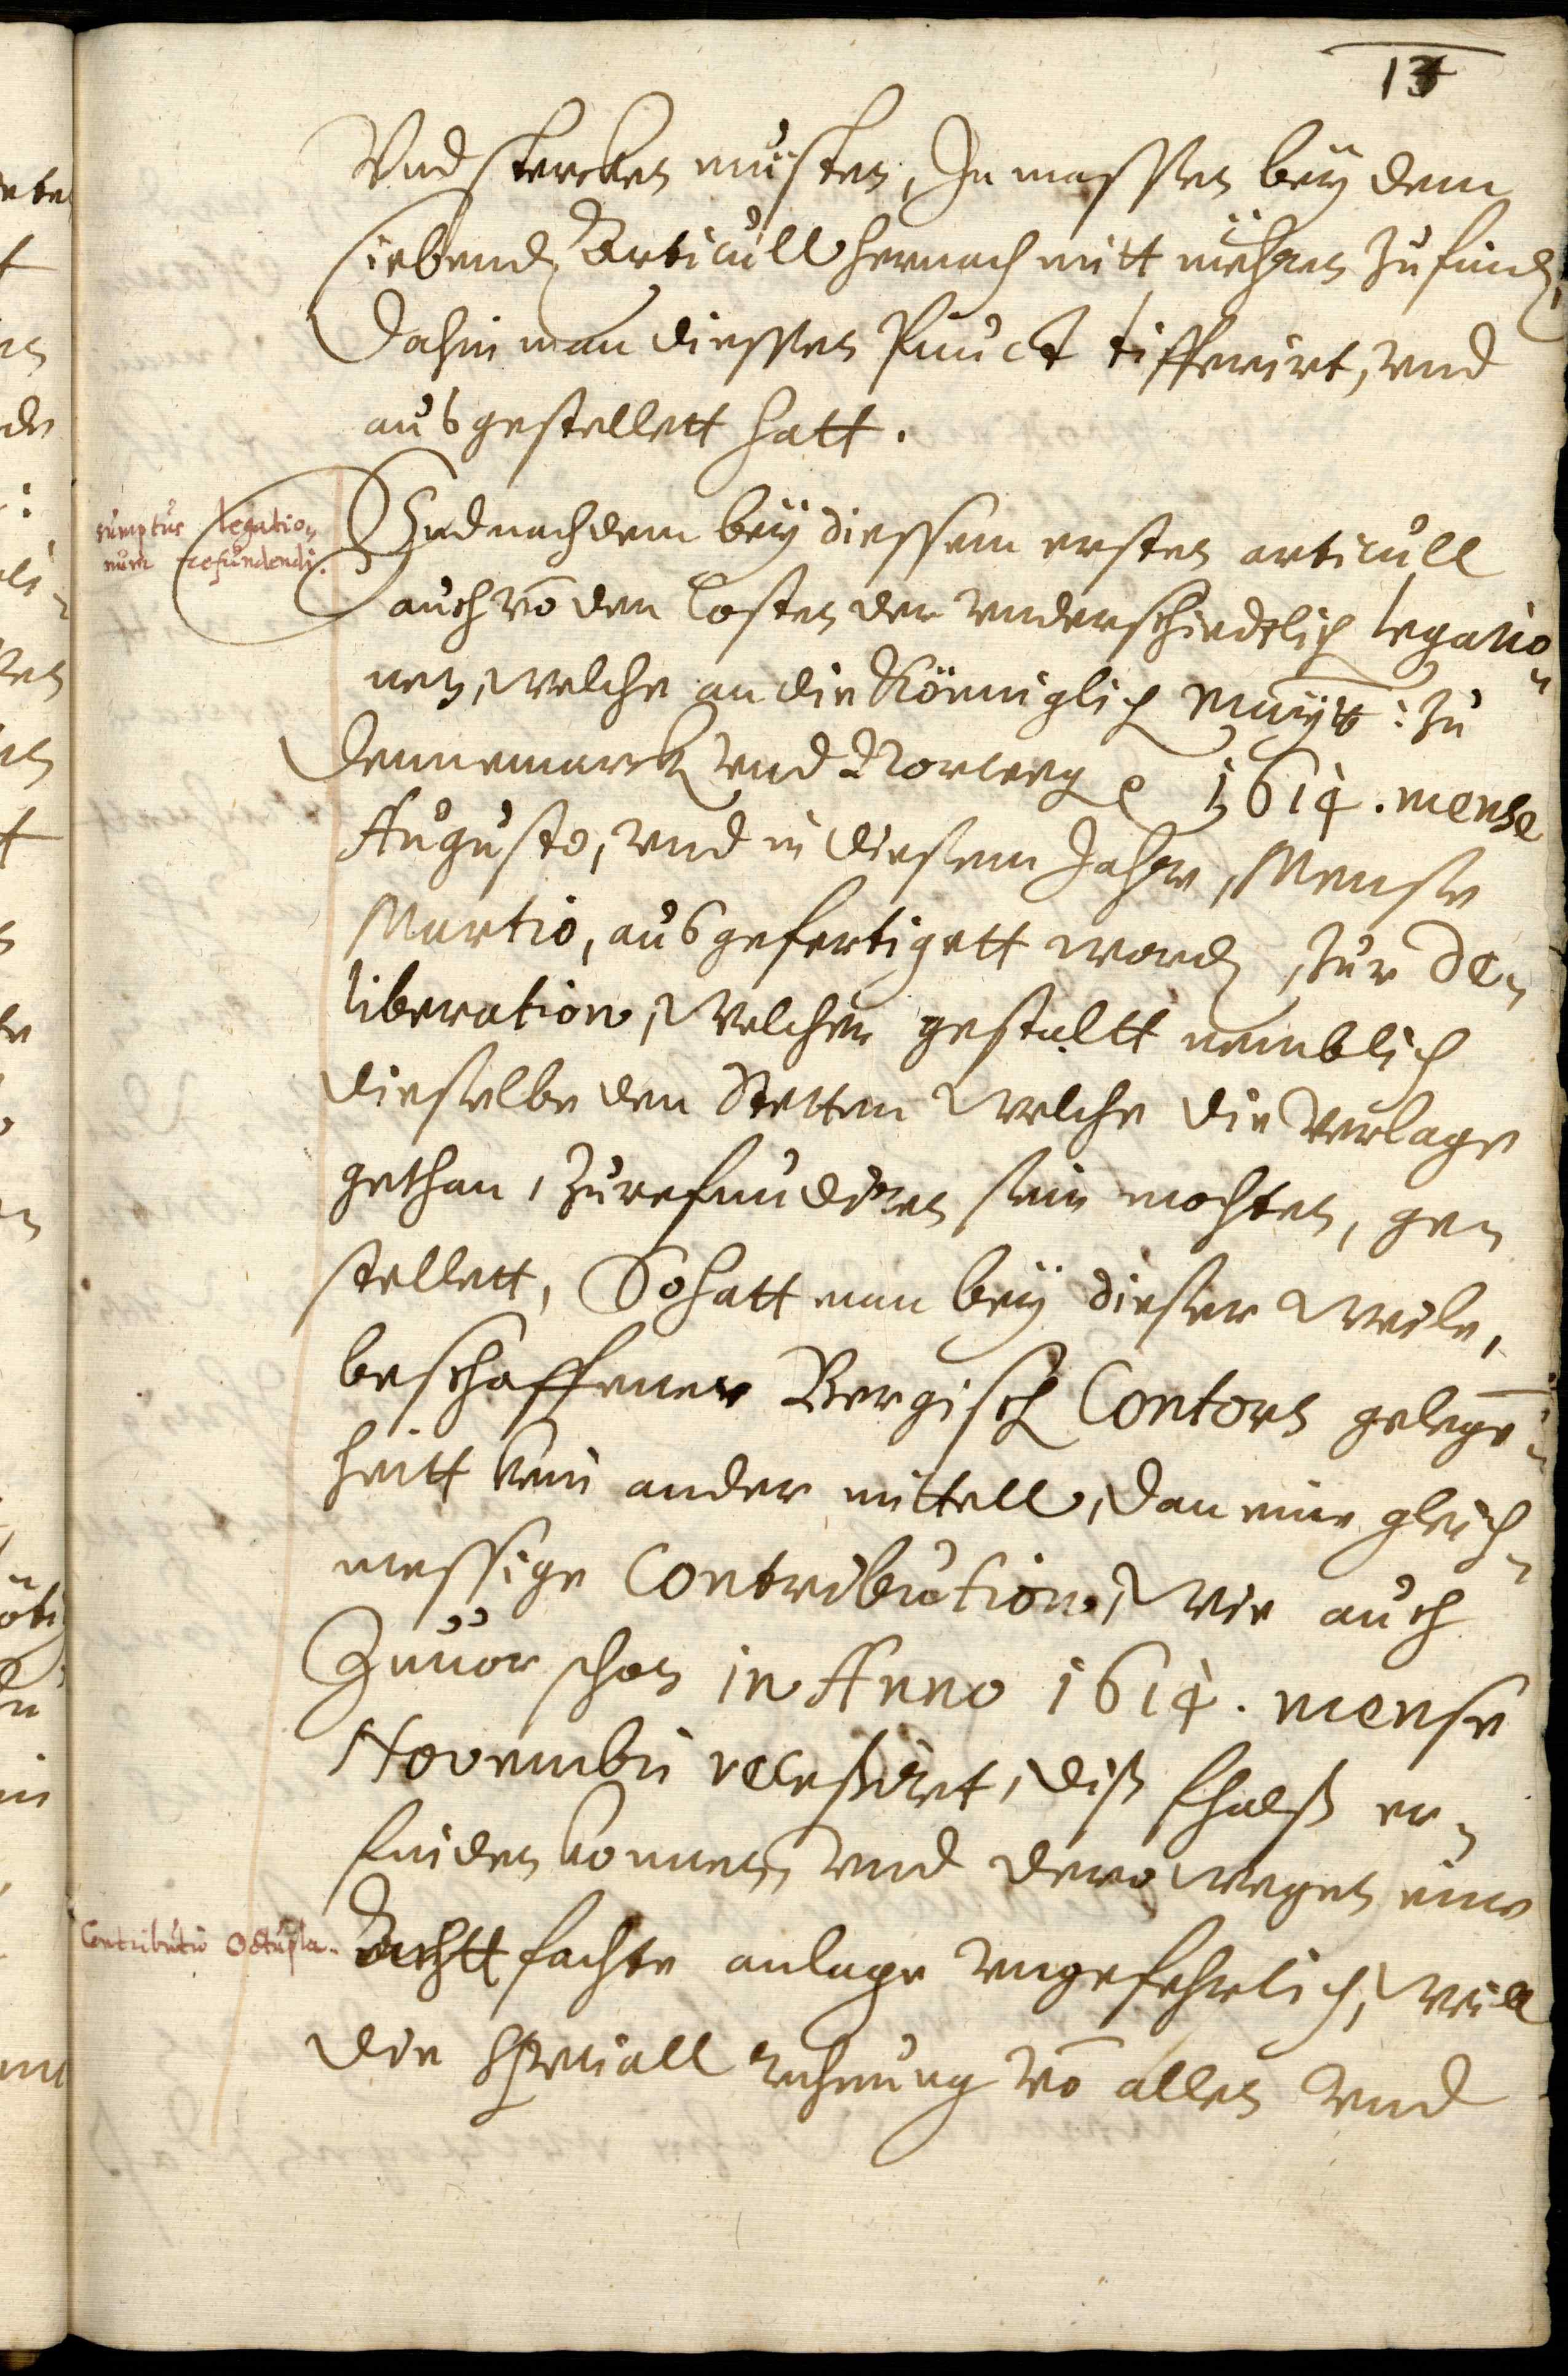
13
Vnd stercken müsten, In massen beij dem
siebenden Articull hernach mitt mehren zufinden,
dahin man diessen Punct tifferirt, vnd
ausgestellett hatt.
sumptus legatio¬
num refundendi.
Und nachdem beij diessem ersten articull
auch von den Costen der vnderschiedtlichen legatio¬
nen, welche an die Könniglichen Maijtt: zu
Dennemarcken vnd Norwegen 1614 mense
Augusto, vnd in diesem Jahre Mense
Martio, ausgefertigett worden, zur de¬
liberation, welcher gestaltt nemblich
dieselbe den Stetten welche die verlage
gethan, zu refundiren sein mochten, ge¬
stellett, So hatt man beij dieser weiln,
beschaffener Bergischen Contors gelegen¬
heitt kein ander mittell, dan eine gleich¬
messige Contribution, wie auch
zuuor schon in Anno 1614. mense
Novembri receßiret, diß fhalß er¬
finden konnen, vnd dero wegen eine
Achttfachte anlage vngefehrlich, weil
die speciall rechnung von allen vnd
Contributio Octupla.
